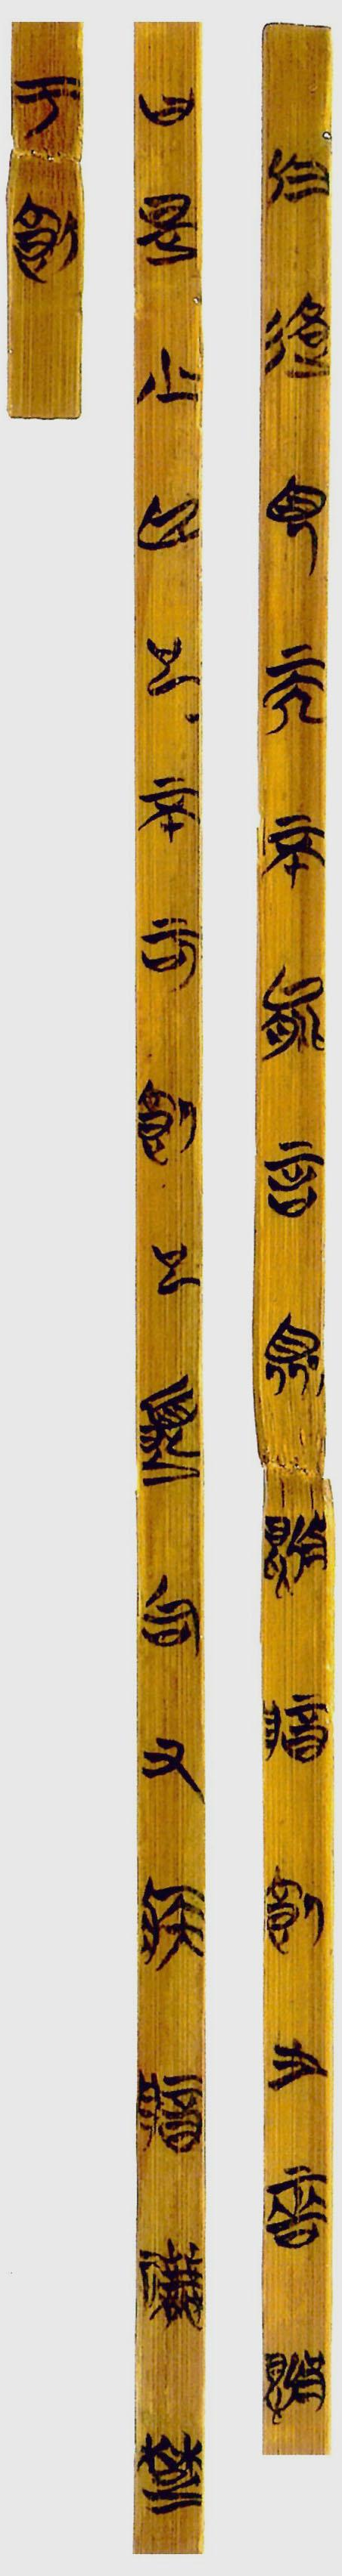於{辶各}見而不能言眾{於鳥}（烏）𨟻（將）飤之{巫口}{於鳥}（烏）曰是少臣也不可飤也{日止頁}（夏）句又疾𨟻（將）{示艸無}楚于飤
